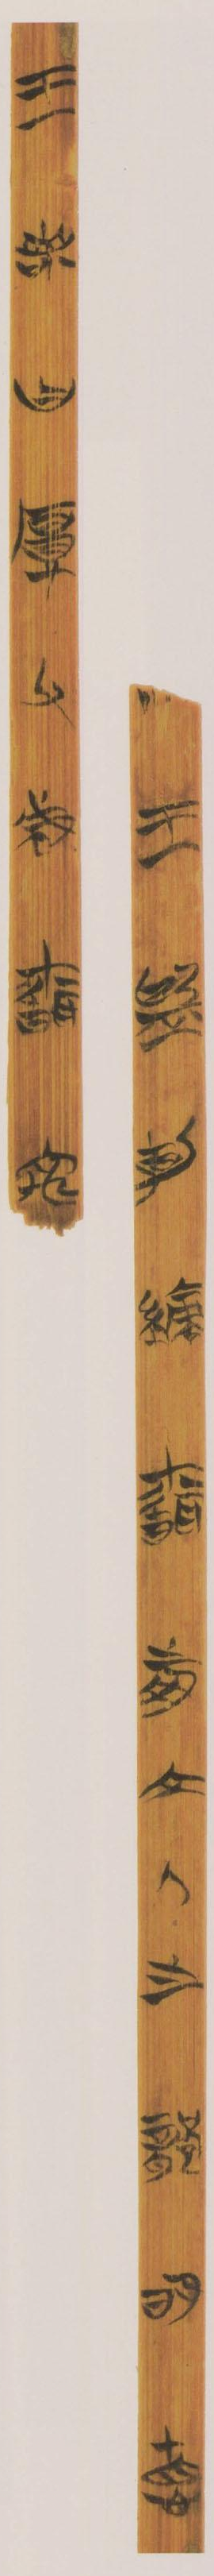□王監劼{糸朿}{尒䎽}前文人之{龍兄}明惪王若曰厚父{戌虫}{尒䎽}禹
